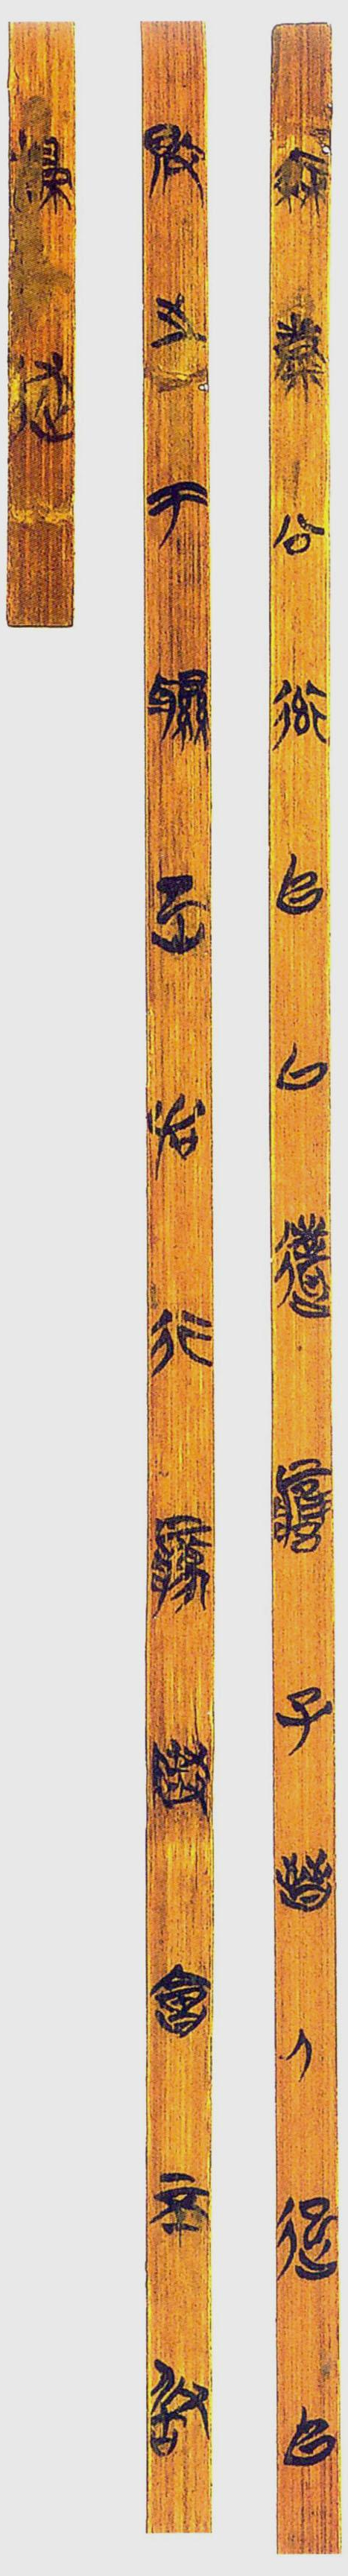秦康公率𠂤㠯（以）{辶丵耳}{疒雍}子晉人起𠂤敗之于{牙㬎}{云山}左行{疒蔑}{阜圭㕛}會不敢{𡴎帚}述
